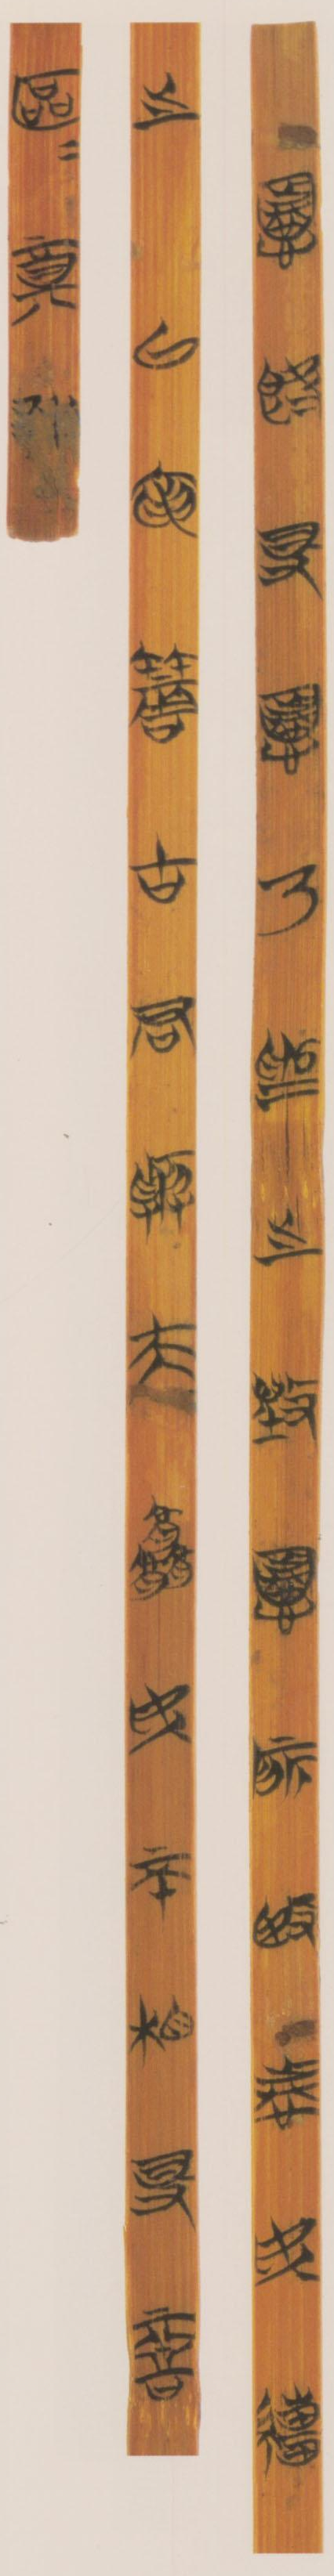{囗者心}既𠭁{囗者心}乃爲之毀{囗者心}所臤者𡚦{糸東田}之㠯（以）龜{竹巫口}古君與夫={兔兔兔}𡚦不相𠭁{亞口}區=奠邦
